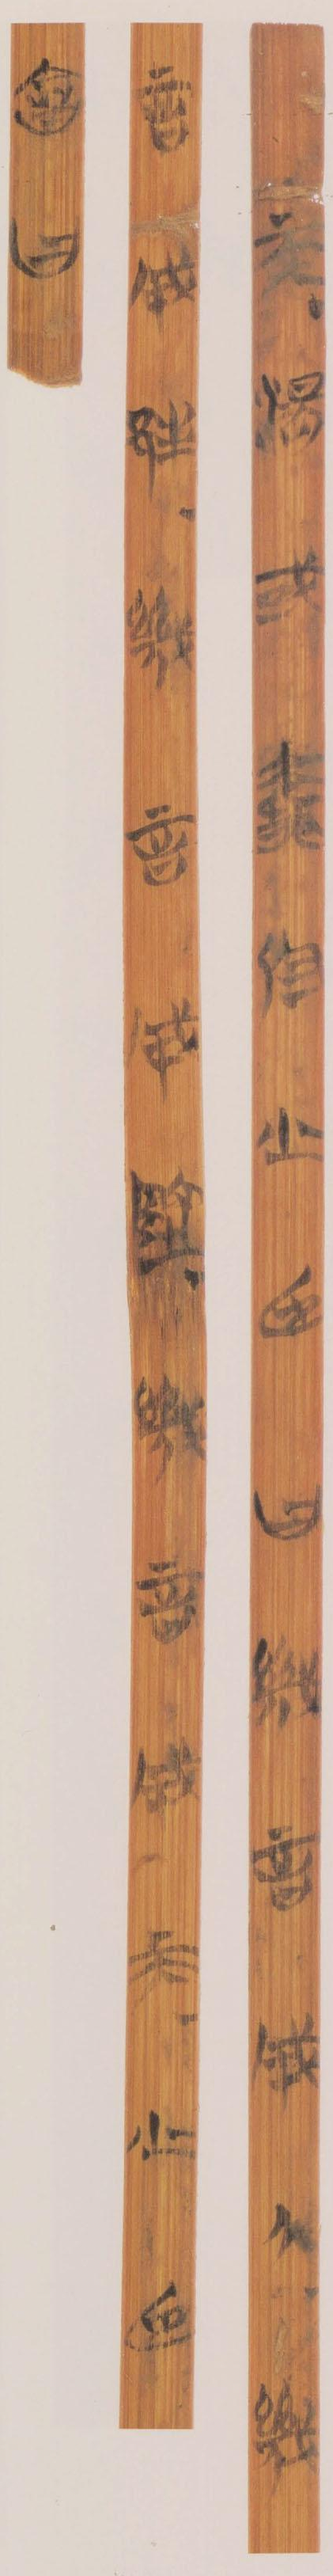天湯或{尒䎽}於少臣曰幾言成人幾言成邦幾言成地幾言成天少臣合曰
